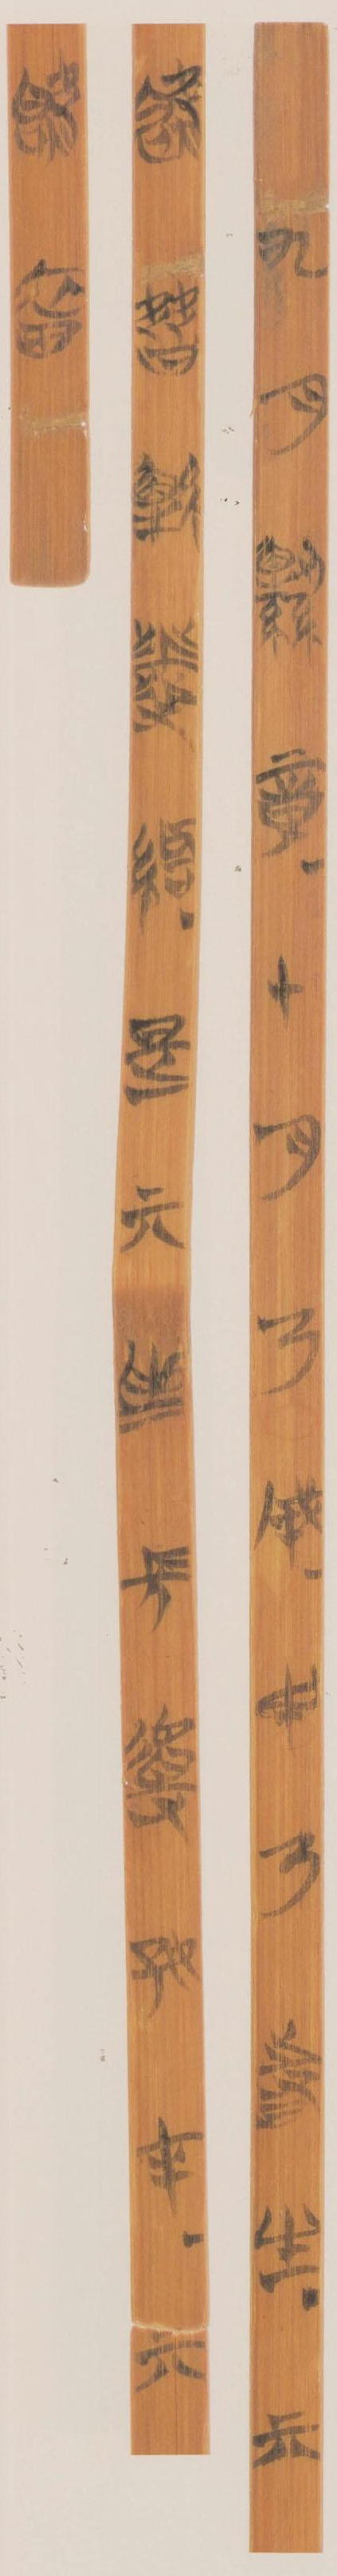九月{解絲}章十月乃成民乃時生亓{既火}朁{角牛糸}發紿是亓爲長虘B好才亓{既火}{衣田}
